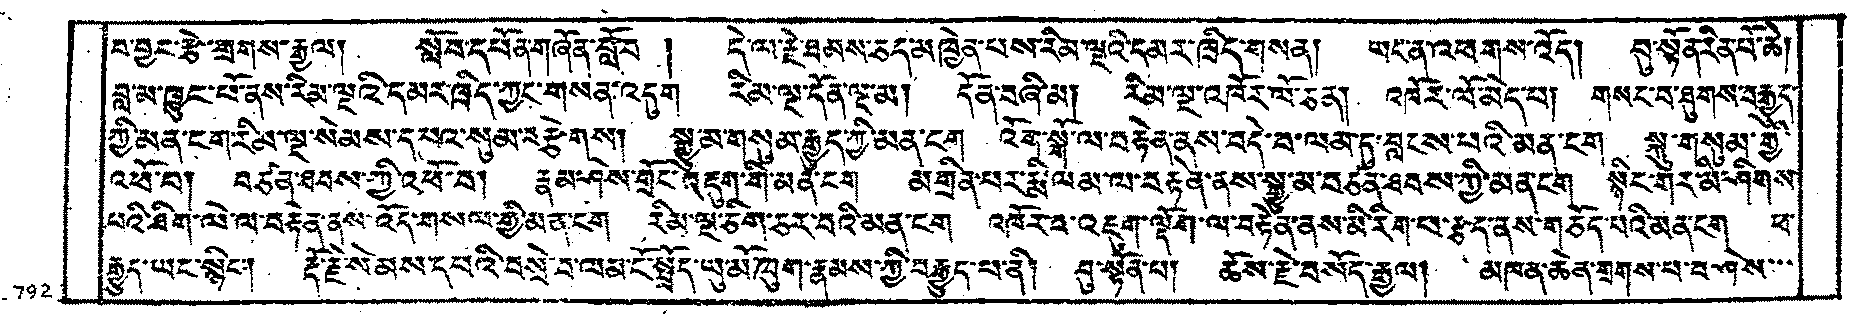བ་བྱང་རྩེ་གྲགས་རྒྱལ། སློབ་དཔོན་གཞོན་བློ་བ། དེ་ལ་རྗེ་ཐམས་ཅད་མཁྱེན་པས་རིམ་ལྔའི་དམར་ཁྲིད་གསན། ཡང་ན་འཕགས་འོད། བུ་སྟོན་རིན་པོ་ཆེ།
བླ་མ་ཁྱུང་པོ་ནས་རིམ་ལྔའི་དམར་ཁྲིད་ཀྱང་གསན་འདུག་རིམ་ལྔ་དོན་ལྔ་མ། དོན་བཞི་མ། རིམ་ལྔ་འཁོར་ལོ་ཅན། འཁོར་ལོ་མེད་པ། གསང་བ་ཐུགས་བརྒྱུད་
ཀྱི་མན་ངག་རིམ་ལྔ་སེམས་དཔའ་སུམ་བརྩེགས། སྒྱུ་མ་གསུམ་རྒྱུད་ཀྱི་མན་ངག་འོག་སྒོ་ལ་བརྟེན་ནས་བདེ་བ་ལམ་དུ་བླངས་པའི་མན་ངག་སྐུ་གསུམ་གྱི་
འཕོ་བ། བཙན་ཐབས་ཀྱི་འཕོ་བ། རྣམ་ཤེས་གྲོང་འཇུག་གི་མན་ངག་མགྲིན་པར་རྨི་ལམ་ལ་བརྟེན་ནས་སྒྱུ་མ་བཙན་ཐབས་ཀྱི་མན་ངག་སྙིང་གར་མི་ཤིགས་
པའི་ཐིག་ལེ་ལ་བརྟེན་ནས་འོད་གསལ་གྱི་མན་ངག་རིམ་ལྔ་ཅིག་ཅར་བའི་མན་ངག་འཁོར་བ་འཇུག་ལྡོག་ལ་བརྟེན་ནས་མི་རིག་པ་རྩད་ནས་གཅོད་པའི་མན་ངག་ཕ་
རྒྱུད་ཡང་སྙིང་། རྡོ་རྗེ་སེམས་དཔའི་བསྲེ་བ་ལམ་ངོ་སྤྲོད་ཡུ་མོ་ཁུག་རྣམས་ཀྱི་བརྒྱུད་པ་ནི། བུ་སྟོན་པ། ཆོས་རྗེ་བསོད་རྒྱལ། མཁན་ཆེན་གྲགས་པ་བཤེས་